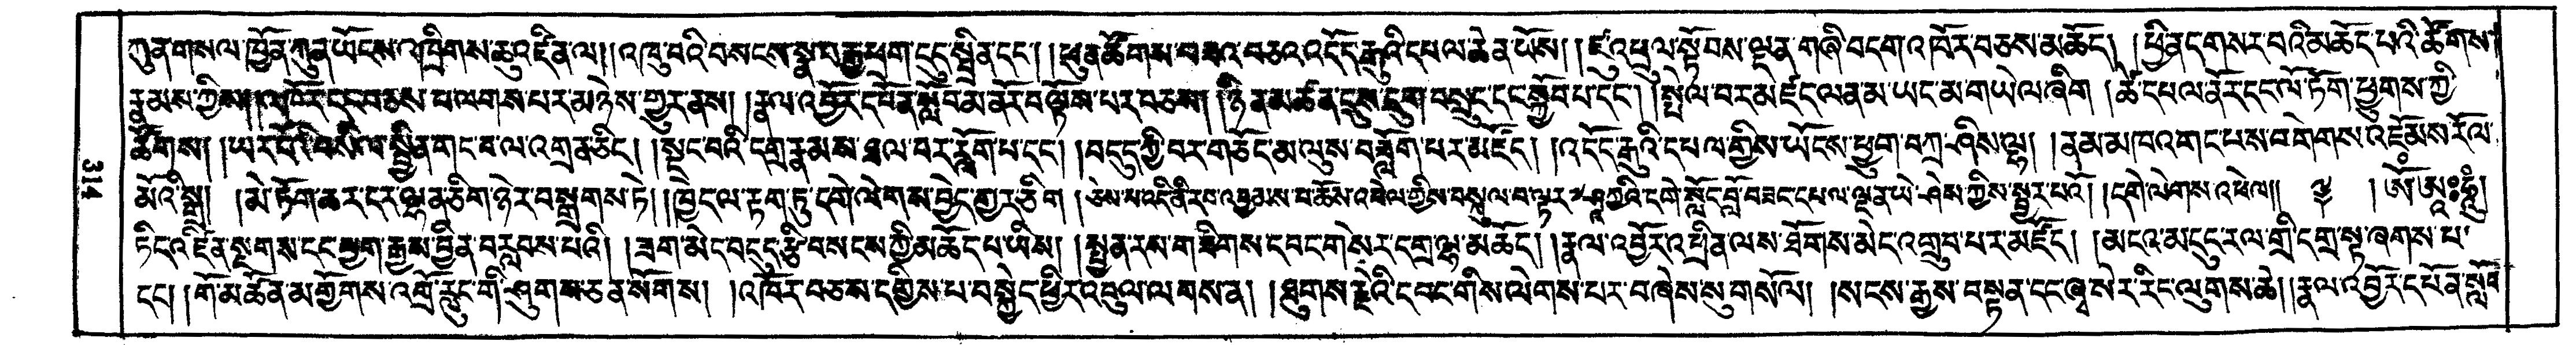ཀུན་གསལ་ཁྱོན་ཀུན་ཡོངས་འཁྲིགས་ཆུ་འཛིན་ལ། །འཁུ་བའི་བསངས་སྣ་བརྒྱ་ཕྲག་དུང་སྤྲིན་དང་། །ཕུན་ཚོགས་བཟའ་བཅའ་འདོད་རྒུའི་དཔལ་ཆེན་པོས། །རྫུ་འཕྲུལ་སྟོབས་ལྡན་གཞི་བདག་འཁོར་བཅས་མཆོད། །ཕྱི་ནང་གསང་བའི་མཆོད་པའི་ཚོགས།
རྣམས་ཀྱིས། །འཁོར་དང་བཅས་པ་ལེགས་པར་མཉེས་གྱུར་ནས། །རྣལ་འབྱོར་དཔོན་སློབ་མི་ནོར་བལྟོས་པར་བཅས། །ཉིན་མཚན་དུས་དྲུག་བསྲུང་དང་སྐྱོབ་པ་དང་། །སྤེལ་བར་མཛད་ལ་ནམ་ཡང་མ་གཡེལ་ཞིག །ཚེ་དཔལ་ནོར་དང་ལོ་ཏོག་ཕྱུགས་ཀྱི་
ཚོགས། །ཡར་ངོའི་བསིལ་སྦྱིན་གང་བ་ལ་འགྲན་ཅིང་། །སྡང་བའི་དགྲ་རྣམས་ཐལ་བར་རློག་པ་དང་། །བདུད་ཀྱི་བར་གཅོད་མ་ལུས་བཟློག་པར་མཛོད། །འདོད་རྒུའི་དཔལ་གྱིས་ཡོངས་ཕྱུག་བཀྲ་ཤིས་ལྷ། །ནམ་མཁའ་གང་བས་བགེགས་འཇོམས་རོལ་
མོའི་སྒྲ། །མེ་ཏོག་ཆར་དང་ལྷན་ཅིག་ཉེར་བསྒྲགས་ཏེ། །ཁྱེད་ལ་རྟག་ཏུ་དགེ་ལེགས་བྱེད་གྱུར་ཅིག་།ཅེས་པ་འདི་ནི་རབ་འབྱམས་པ་ཆོས་འཕེལ་གྱིས་བསྐུལ་བ་ལྟར་ཤའྐྱའི་དགེ་སློང་བློ་བཟང་དཔལ་ལྡན་ཡེ་ཤེས་ཀྱིས་སྦྱར་བའོ། །དགེ་ལེགས་འཕེལ།།  ༈ །།ཨོཾ་ཨཱཿ ཧཱུཾ།
ཏིང་འཛིན་སྔགས་དང་ཕྱག་རྒྱས་བྱིན་བརླབས་པའི། །ཟག་མེད་བདུད་རྩི་བསངས་ཀྱི་མཆོད་པ་ཡིས། །སྤྱན་རས་གཟིགས་དབང་གེ་སར་དགྲ་ལྷ་མཆོད། །རྣལ་འབྱོར་འཕྲིན་ལས་ཐོགས་མེད་འགྲུབ་པར་མཛོད། །མངའ་མདུང་རལ་གྲི་དགྲ་སྟ་ཞགས་བ་
དང༑ ༑གོ་མཚོན་མགྱོགས་འགྲ་རླུང་གི་ཤུགས་ཅན་སོགས། །འཁོར་བཅས་དགྱེས་པ་བསྐྱེད་ཕྱིར་འབུལ་ལགས་ན། །ཐུགས་རྗེའི་དབང་གིས་ལེགས་པར་བཞེས་སུ་གསོལ། །སངས་རྒྱས་བསྟན་དང་ཞྭ་སེར་རིང་ལུགས་ཆེ། །རྣལ་འབྱོར་དཔོན་སློབ་